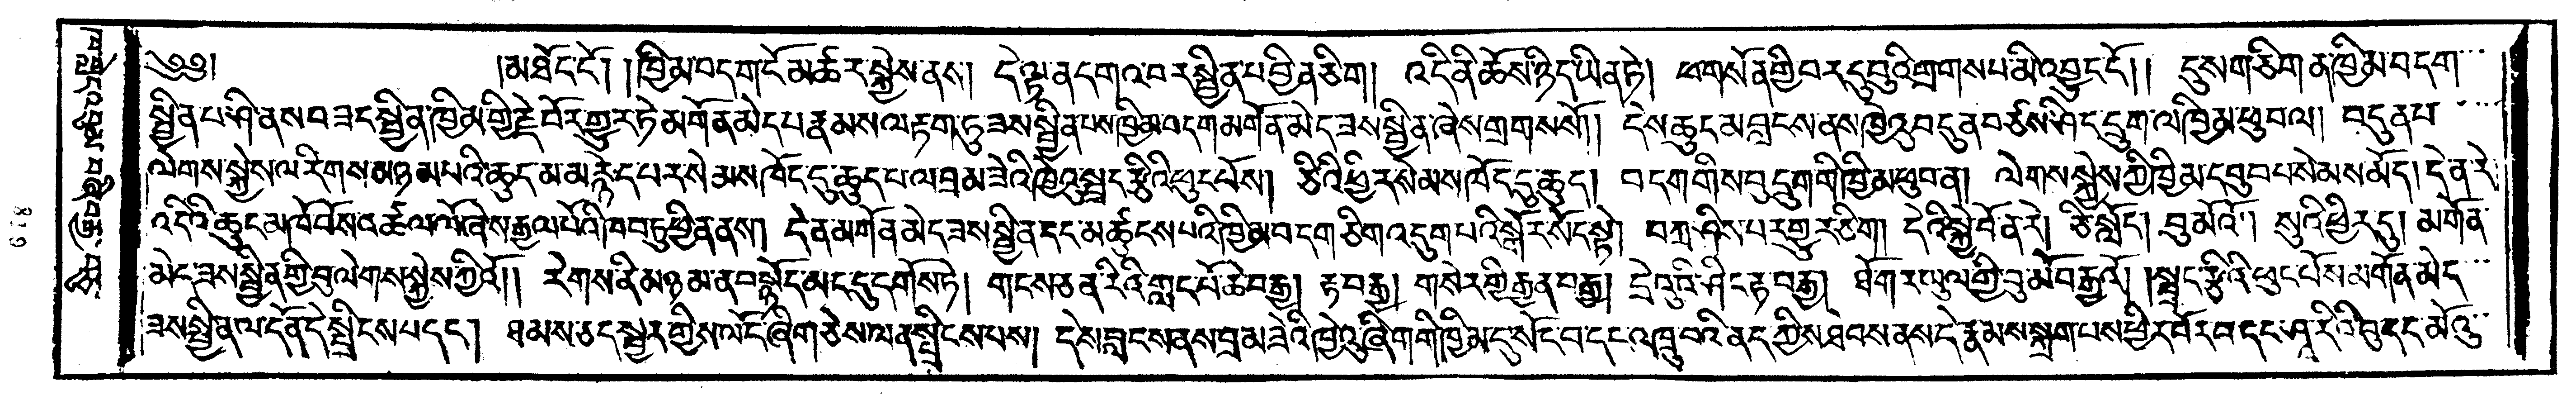༄༅། །མཐོང་ངོ། །ཁྱིམ་བདག་ངོ་མཚར་སྐྱེས་ནས། དེ་ལྟ་ན་དགའ་བར་སྦྱིན་པ་བྱིན་ཅིག། འདི་ནི་ཆོས་ཉིད་ཡིན་ཏེ། ཕ་གསོན་གྱི་བར་དུ་བུའི་གྲགས་པ་མི་འབྱུང་ངོ།། དུས་གཅིག་ན་ཁྱིམ་བདག་
སྦྱིན་པ་ཤི་ནས་བཟང་སྦྱིན་ཁྱིམ་གྱི་རྗེ་བོར་གྱུར་ཏེ་མགོན་མེད་པ་རྣམས་ལ་རྟག་ཏུ་ཟས་སྦྱིན་པས་ཁྱིམ་བདག་མགོན་མེད་ཟས་སྦྱིན་ཞེས་གྲགས་སོ།། དེས་ཆུང་མ་བླངས་ནས་ཁྱེའུ་བདུན་བཙས་ཤིང་དྲུག་ལ་ཁྱིམ་ཕུབ་ལ། བདུན་པ་
ལེགས་སྐྱེས་ལ་རིགས་མཉམ་པའི་ཆུང་མ་མ་རྙེད་པར་སེམས་ཁོང་དུ་ཆུད་པ་ལ་བྲམ་ཟེའི་ཁྱེའུ་སྦྲང་རྩིའི་ཕུང་པོས། ཅིའི་ཕྱིར་སེམས་ཁོང་དུ་ཆུད། བདག་གིས་བུ་དྲུག་གི་ཁྱིམ་ཕུབ་ན། ལེགས་སྐྱེས་ཀྱི་ཁྱིམ་དབུབ་པ་སེམས་མོད། དེ་ན་རེ།
འདིའི་ཆུང་མཁོ་བོས་འཚལ་ལོ་ཞེས་རྒྱལ་པོའི་ཁབ་ཏུ་ཕྱིན་ནས། དེ་ན་མགོན་མེད་ཟས་སྦྱིན་དང་མཚུངས་པའི་ཁྱིམ་བདག་ཅིག་འདུག་པའི་སྒོར་སོང་སྟེ། བཀྲ་ཤིས་པར་གྱུར་ཅིག། དེའི་སྐྱེ་བོ་ན་རེ། ཅི་སློང་། བུ་མོའི། སུའི་ཕྱིར་དུ། མགོན་
མེད་ཟས་སྦྱིན་གྱི་བུ་ལེགས་སྐྱེས་ཀྱིའོ།། རེགས་ནི་མཉམ་ནན་བསྙོད་མང་དུ་དོགས་ཏེ། གང་ཅན་རིའི་གླང་པོ་ཆེ་བརྒྱ། རབ་བརྒྱ། གསེར་གྱི་རྒྱན་བརྒྱ། དྲེའུའི་ཤིང་རྟ་བརྒྱ། ཐོ་གར་ཡུལ་གྱི་བུ་མོ་བརྒྱའོ། །སྦྲང་རྩིའི་ཕུང་པོས་མགོན་མེད་
ཟས་སྦྱིན་ལ་དོན་དེ་སྤྲིངས་པ་དང་། ཐམས་ཅད་སྦྱར་གྱིས་ལོངས་ཞིག་ཅེས་ལན་སྤྲིངས་པས། དེས་བླངས་ནས་བྲམ་ཟེའུ་ཁྱེའུ་ཞིག་གི་ཁྱིམ་དུ་སོང་བ་དང་འཁྲུ་བའི་ནད་ཀྱིས་ཐེབས་ནས་དེ་རྣམས་སྐྲག་པས་ཕྱིར་བར་བ་དང་ཤཱ་རིའི་བུ་དང་མོའུ་